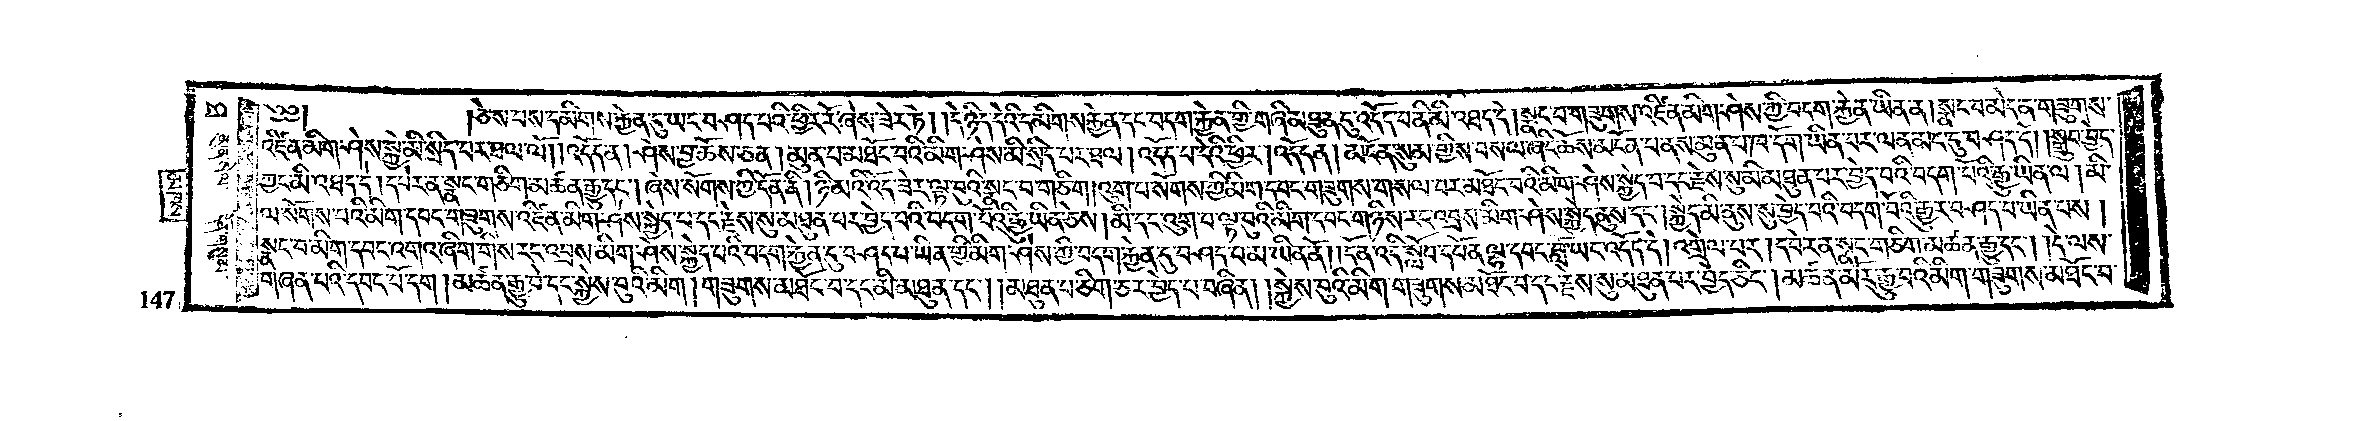༄༅། །ཅེས་པས་དམིགས་རྐྱེན་དུ་ཡང་བཤད་པའི་ཕྱིར་རོ་ཞེས་ཟེར་ཏེ། །དེ་ཉིད་དེའི་དམིགས་རྐྱེན་དང་བདག་རྐྱེན་གྱི་གཞི་མཐུན་དུ་འདོད་པ་ནི་མི་འཐད་དེ། སྣང་བ་གཟུགས་འཛིན་མིག་ཤེས་ཀྱི་བདག་རྐྱེན་ཡིན་ན། སྣང་བ་མེད་ན་གཟུགས་
འཛིན་མིག་ཤེས་སྐྱེ་མི་སྲིད་པར་ཐལ་ལོ། །འདོད་ན། ཤེས་བྱ་ཆོས་ཅན། མུན་པ་མཐོང་བའི་མིག་ཤེས་མི་སྲིད་པར་ཐལ། འདོད་པ་དེའི་ཕྱིར། འདོད་ན། མངོན་སུམ་གྱིས་བསལ་ཞིང་ཆོས་མངོན་པ་ནས་མུན་པ་ཁ་དོག་ཡིན་པར་ལན་མང་དུ་བཤད་དོ། །སྒྲུབ་བྱེད་
ཀྱང་མི་འཐད་དེ། དཔེར་ན་སྣང་གཅིག་མཚན་རྒྱུ་དང་། ཞེས་སོགས་ཀྱི་དོན་ནི། ཉི་མའི་འོད་ཟེར་ལྟ་བུའི་སྣང་བ་གཅིག །འུག་པ་སོགས་ཀྱི་མིག་དབང་གཟུགས་གསལ་བར་མཐོང་བའི་མིག་ཤེས་སྐྱེད་པ་དང་རྗེས་སུ་མི་མཐུན་པར་བྱེད་པའི་བདག་པོའི་རྒྱུ་ཡིན་ལ། མི་
ལ་སོགས་པའི་མིག་དབང་གཟུགས་འཛིན་མིག་ཤེས་སྐྱེད་པ་དང་རྗེས་སུ་མཐུན་པར་བྱེད་པའི་བདག་པོའི་རྒྱུ་ཡིན་ཅེས། མི་དང་འུག་པ་ལྟ་བུའི་མིག་དབང་གཉིས་རང་འབྲས་མིག་ཤེས་སྐྱེད་ནུས་དང་། སྐྱེད་མི་ནུས་སུ་བྱེད་པའི་བདག་པོའི་རྒྱུར་བཤད་པ་ཡིན་པས།
སྣང་བ་མིག་དབང་འགའ་ཞིག་གིས་རང་འབྲས་མིག་ཤེས་སྐྱེད་པའི་བདག་རྐྱེན་དུ་བཤད་པ་ཡིན་གྱི་མིག་ཤེས་ཀྱི་བདག་རྐྱེན་དུ་བཤད་པ་མ་ཡིན་ནོ། །དོན་འདི་སློབ་དཔོན་ལྷ་དབང་བློ་ཡང་འདོད་དེ། འགྲེལ་པར། དཔེར་ན་སྣང་གཅིག་མཚན་རྒྱུ་དང་། །དེ་ལས་
གཞན་པའི་དབང་པོ་དག །མཚན་རྒྱུ་བ་དང་སྐྱེས་བུའི་མིག །གཟུགས་མཐོང་བ་དང་མི་མཐུན་དང་། །མཐུན་པ་ཅིག་ཅར་བྱེད་པ་བཞིན། །སྐྱེས་བུའི་མིག་གཟུགས་མཐོང་བ་དང་རྗེས་སུ་མཐུན་པར་བྱེད་ཅིང་། མཚན་མོར་རྒྱུ་བའི་མིག་གཟུགས་མཐོང་བ་